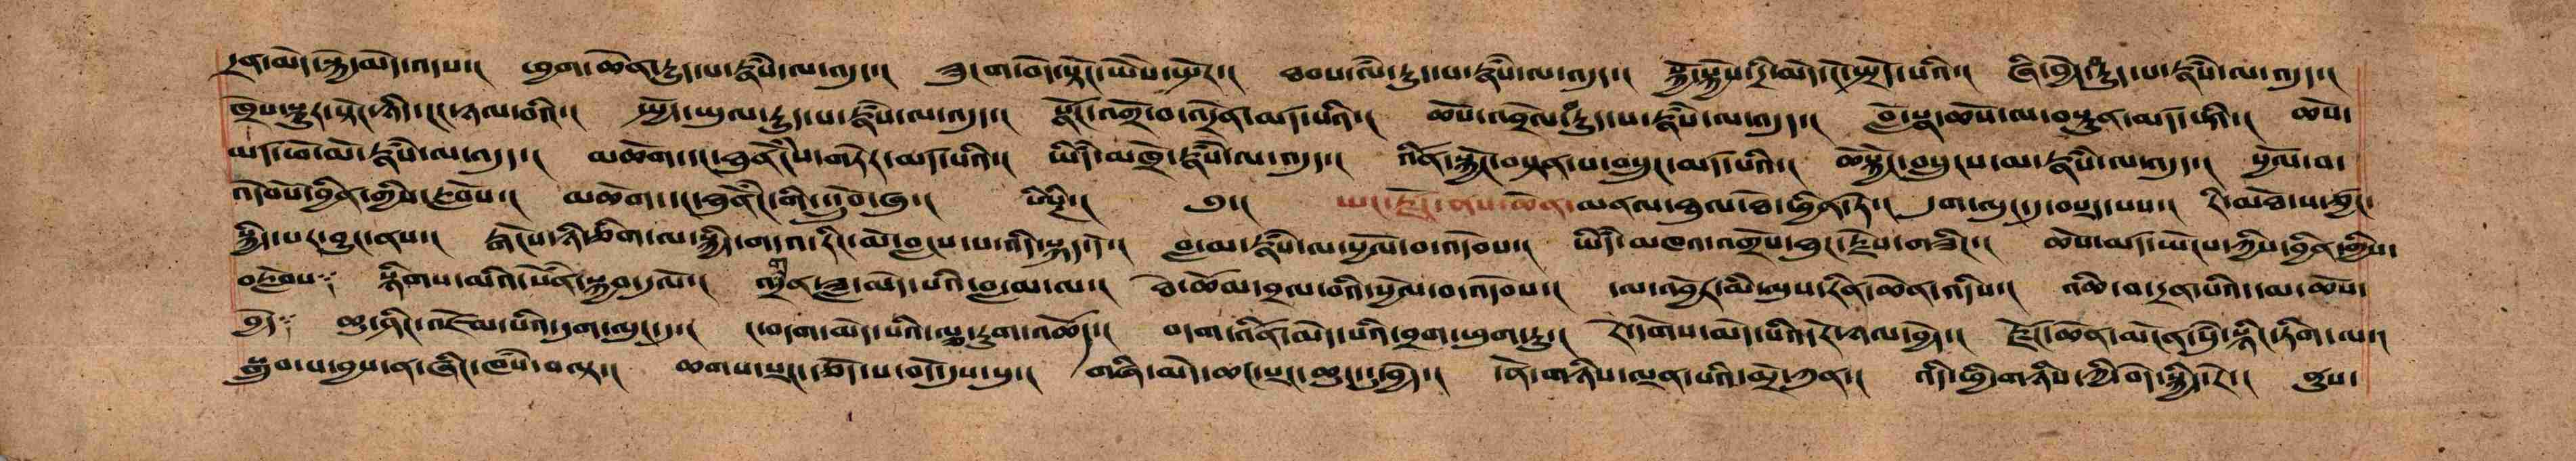དྲན་མེད་སྐྱེ་མེད་འདས།། ཕྱག་ཆེན་རྒྱུད་པ་རྣམས་ལ་འདུད།། ཟུང་འཇུག་བདེ་སྟོང་ཡེ་ཤེས་སྤོར།། ཐབས་ལམ་རྒྱུད་པ་རྣམས་ལ་འདུད།། སྐྱོ་སྐྱེས་དྲི་མེད་ངོ་སྤྲོད་པའི།། ཞི་བྱེད་རྒྱུད་པ་རྣམས་ལ་འདུད།། 
ཁྲོས་སྐྱུར་སྟོང་ཉིད་ངང་ཉལ་བའི།། སྤྱོད་ཡུལ་བརྒྱུད་པ་རྣམས་ལ་འདུད།། སྣ་ཚོགས་འགྲོ་བ་འདྲེན་མཛད་པའི།། ཆོས་འབྲེལ་བརྒྱུད་པ་རྣམས་ལ་འདུད།། བློ་སྣ་ཆོས་ལ་བསྟུན་མཛད་པའི།། ཆོས་
མཛད་ཕོ་མོ་རྣམས་ལ་འདུད།། མཆོག་དང་ཐུན་མོངས་གཏེར་མཛད་པའི།། ཡིད་དམ་མཁའ་འགྲོ་རྣམས་ལ་འདུད།། འཛིན་སྐྱོང་བསྟན་པ་བསྲུང་མཛད་པའི།། ཆོས་སྐྱོང་སྲུང་མ་རྣམས་ལ་འདུད།། གསོལ་བ་
འདེབས་སོ་བྱིན་གྱིས་རློབས།། མཆོག་དང་ཐུན་མོང་གི་དངོས་གྲུབ་ཞུ།། ཨིཊི།། ༄་། ཡང་རྫོང་ནས་ཆེན་མནལ་ཐུལ་ཐོ་ཕྱིན་ཏེ།། དུག་ལུང་དུ་བསྡད་པས།། རི་མཐོ་ས་གཙང་
སྐྱིད་པར་བྱུང་ནས།། རྒོངས་ཉི་ཅིག་ལ་སྐྱིད་གདའ་རིང་མོ་བླངས་པ་འདི་སྐད་དོ།། བླ་མ་རྣམས་ལ་གསོལ་བ་འདེབས།། ཡིད་དམ་མཁའ་འགྲོས་ཐུགས་རྗེས་གཟིགས།། ཆོས་མཛད་ཡོངས་ཀྱིས་བྱིན་གྱིས་
བརློབས།། སྙིགས་མའི་སེམས་ཅན་བསྐྱབ་ཏུ་གསོལ།། འགྲན་ཟླ་མེད་པའི་བླ་མ་ལ།། ཐེ་ཚོམ་བྲལ་བའི་གསོལ་བ་འདེབས།། དལ་འབྱོར་མི་ལུས་རིན་ཆེན་འདིས།། འཆི་བ་དྲན་པའི་དམ་ཆོས་
བྱེད།། ཆུ་ཤིང་འཛོམ་པའི་དུག་ལུང་དུ།། ང་བདག་མེད་པའི་ལྕ་རུག་འཚོད།། བདག་འཛིན་མེད་པའི་བྲག་ཕུག་ཏུ།། རེ་དོགས་མེད་པའི་རོ་ཉལ་བྱེད།། རྫོགས་ཆེན་མངོན་སུམ་སྙིང་ཏིག་ལ།། 
སྒྲུབ་པ་བྱས་ན་ཞིང་ཁམས་བལྟ།། ཆགས་སྡང་རྩོད་པ་བདོ་དུས་སུ།། གཞི་མེད་ཆགས་སྡང་ཆུང་དུ་བྱེད།། དོན་གཉིས་ལྡན་པའི་མཁའ་འགྲོ་ཀུན།། འདི་ཕྱི་གཉིས་ཀྱི་བདེ་སྐྱིད་རེ།། ནུས་